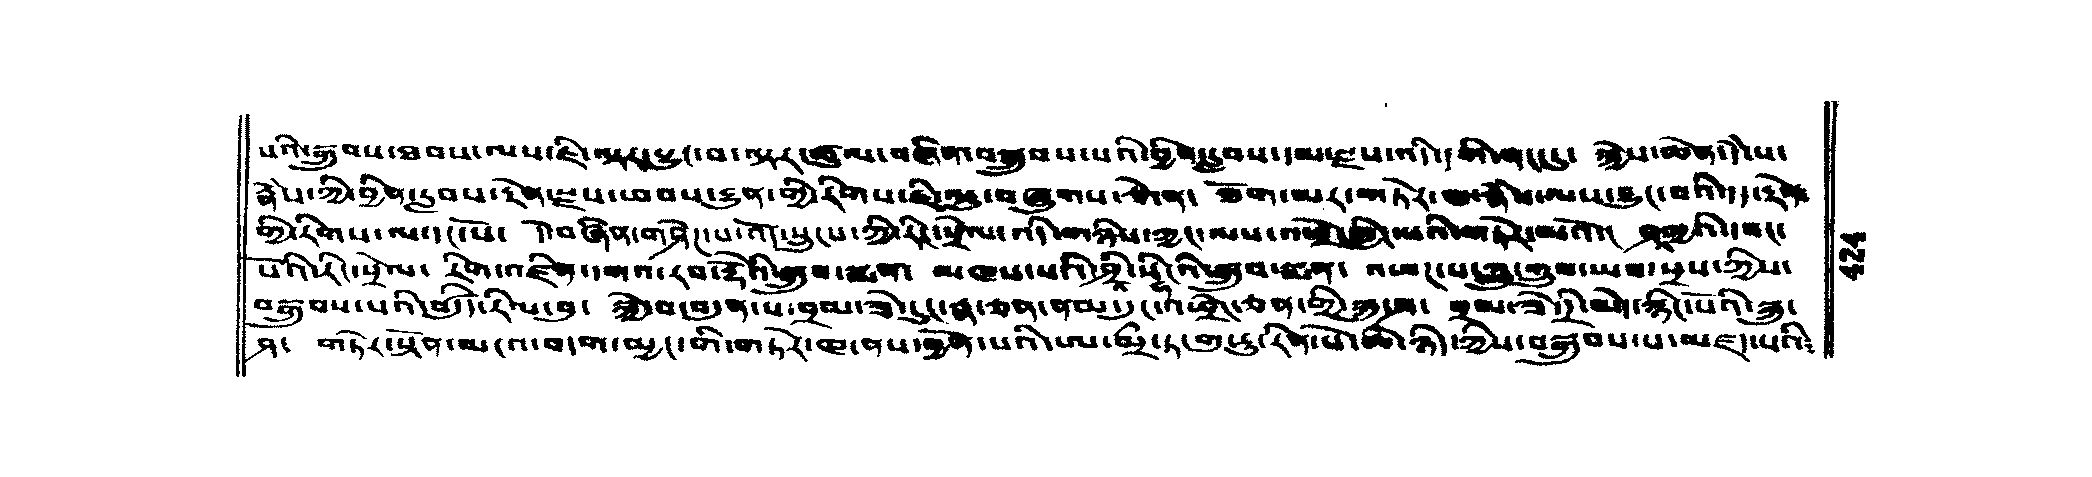པའི་སྒྲུབ་ཐབས་ལས་ཇི་ལྟར་བྱུང་བ་ལྟར་ཚུལ་བཞིན་བསྒྲུབ་པའི་བྱིན་རླབས་དམ་རྫས་འདི་དག་གི་ནང་དུ། སྐྱེས་ཆེན་དམ་པ་
རྣམས་ཀྱི་བྱིན་རླབས་རྟེན་རྫས་ཕབས་རྒྱུན་གྱི་རིགས་ཇི་ལྟ་བུ་བཞུགས་ཅེ་ན།ཐོག་མར་གཏེར་ཁ་རྣམས་ལས་བྱུང་བའི་དད་རྟེན་
གྱི་རིགས་ལ་དང་པོ་དེ་བཞིན་གཤེགས་པ་འོད་སྲུངས་ཀྱི་རིང་སྲེལ་འདི་གཉིས་ཀྱང་ལས་འཕྲོ་གླིང་པའི་གཏེར་མའོ། ཤཱཀྱའི་དབང་
པོའི་རིང་སྲེལ། རིག་འཛིན་དགའ་རབ་རྡོ་རྗེའི་སྒྲུབ་སྨན། མཁས་པ་ཤྲཱི་སིངྷའི་སྒྲུབ་སྨན། འཕགས་པ་ཀླུ་སྒྲུབ་ཡབ་སྲས་ཀྱིས་
བསྒྲུབས་པའི་བདུད་རྩི་རིལ་བུ། སྐྱེ་བ་བདུན་པ་བྲམ་ཟེ་དུང་རྣ་ཅན་ནམ་དུང་འཕྲེང་ཅན་གྱི་སྐུ་ཤ། བྲམ་ཟེ་དྲི་མེད་སྙིང་པོའི་སྐུ་
ཤ། གཏེར་སྟོན་མངའ་བདག་མྱང་གི་གཏེར་ཁ་ནས་བྱོན་པའི་ཨ་མྲྀ་ཏ་གུ་རུ་རིན་པོ་ཆེ་ཉིད་ཀྱིས་བསྒྲུབས་པར་མཛད་པའི་